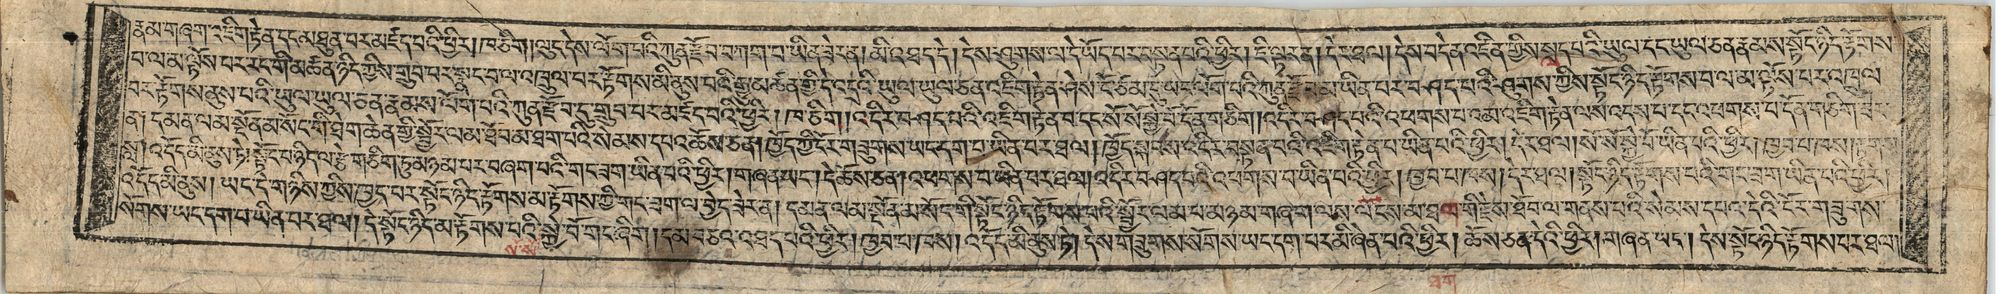རྣམ་གཞག་འཇིག་རྟེན་དང་མཐུན་པར་མཛད་པའི་ཕྱིར། ཁ་ཅིག ། ལུང་དེས་ལོག་པའི་ཀུན་རྫོབ་བཀག་པ་ཡིན་ཟེར་ན། མི་འཐད་དེ། དེས་ཤུགས་ལ་དེ་ཡོད་པར་བསྟན་པའི་ཕྱིར། ཇི་ལྟར་ན། དེར་ཐལ། དེས་བདེན་འཛིན་གྱིས་སླད་པའི་ཡུལ་དང་ཡུལ་ཅན་རྣམས་སྟོང་ཉིད་རྟོགས་
པ་ལ་མ་ལྟོས་པར་རང་གི་མཚན་ཉིད་ཀྱིས་གྲུབ་པར་སྣང་བ་ལ་འཁྲུལ་པར་རྟོགས་མི་ནུས་པའི་རྒྱུ་མཚན་གྱི་དེ་འདྲའི་ཡུལ་ཡུལ་ཅན་འཇིག་རྟེན་ཤེས་ངོ་ཙམ་དུ་ཡང་ལོག་པའི་ཀུན་རྫོབ་མ་ཡིན་པར་བཤད་པའི་ཤུགས་ཀྱིས་སྟངྙིད་རྟོགས་པ་ལ་མ་ལྟོས་པར་འཁྲུལ་
བར་རྟོགས་ནུས་པའི་ཡུལ་ཡུལ་ཅན་རྣམས་ལོག་པའི་ཀུན་རྫོབ་དུ་གྲུབ་པར་མཛད་པའི་ཕྱིར། ཁ་ཅིག ། འདིར་བཤད་པའི་འཇིག་རྟེན་པ་དང་སོ་སོ་སྐྱེ་བོ་དོན་གཅིག ། འདིར་བཤད་པའི་འཕགས་པ་འམ་འཇིག་རྟེན་ལས་འདས་པ་དང་འཕགས་པ་དོན་གཅིག་ཟེར་
ན། དམན་ལམ་སྔོན་མ་སོང་གི་ཐེག་ཆེན་གྱི་སྦྱོར་ལམ་ཐོབ་མ་ཐག་པའི་སེམས་དཔའ་ཆོས་ཅན། ཁྱོད་ཀྱི་ངོར་གཟུགས་ཡང་དག་པ་ཡིན་པར་ཐལ། ཁྱོད་སྐབས་འདིར་བསྟན་པའི་འཇིག་རྟེན་པ་ཡིན་པའི་ཕྱིར། དེར་ཐལ། སོ་སོ་སྐྱེ་བོ་ཡིན་པའི་ཕྱིར། ཁྱབ་པ་ཁས། རྟགས་
སླ། འདོད་མི་ནུས་ཏེ། སྟོང་པ་ཉིད་ལ་རྩེ་གཅིག་ཏུ་མཉམ་པར་བཞག་པའི་གང་ཟག་ཡིན་པའི་ཕྱིར། གཞན་ཡང་། དེ་ཆོས་ཅན། འཕགས་པ་ཡིན་པར་ཐལ། འདིར་བཤད་པའི་འཕགས་པ་ཡིན་པའི་ཕྱིར། ཁྱབ་པ་ཁས། དེར་ཐལ། སྟོང་ཉིད་རྟོགས་པའི་གང་ཟག་ཡིན་པའི་ཕྱིར།
འདོད་མི་ནུས། ཡང་དེ་གཉིས་ཀྱིས་ཁྱད་པར་སྟོང་ཉིད་རྟོགས་མ་རྟོགས་ཀྱི་གང་ཟག་ལ་བྱེད་ཟེར་ན། དམན་ལམ་སྔོན་མ་སོང་གི་སྟོང་ཉིད་རྟོགས་པའི་སྦྱོར་ལམ་པ་མཉམ་གཞག་ལས་ལངས་མ་ཐག་གི་རྗེས་ཐོབ་ལ་གནས་པའི་སེམས་དཔའ་དེའི་ངོར་གཟུགས་
སོགས་ཡང་དག་པ་ཡིན་པར་ཐལ། དེ་སྟོང་ཉིད་མ་རྟོགས་པའི་སོ་སོ་?་སྐྱེ་བོ་གང་ཞིག ། དམ་བཅའ་འཐད་པའི་ཕྱིར། ཁྱབ་པ་ཁས། འདོད་མི་ནུས་ཏེ། དེས་གཟུགས་སོགས་ཡང་དག་པར་མི་ཞེན་པའི་ཕྱིར། ཆོས་ཅན་དེའི་ཕྱིར། གཞན་ཡང་། དེས་སྟོང་ཉིད་རྟོགས་པར་ཐལ་